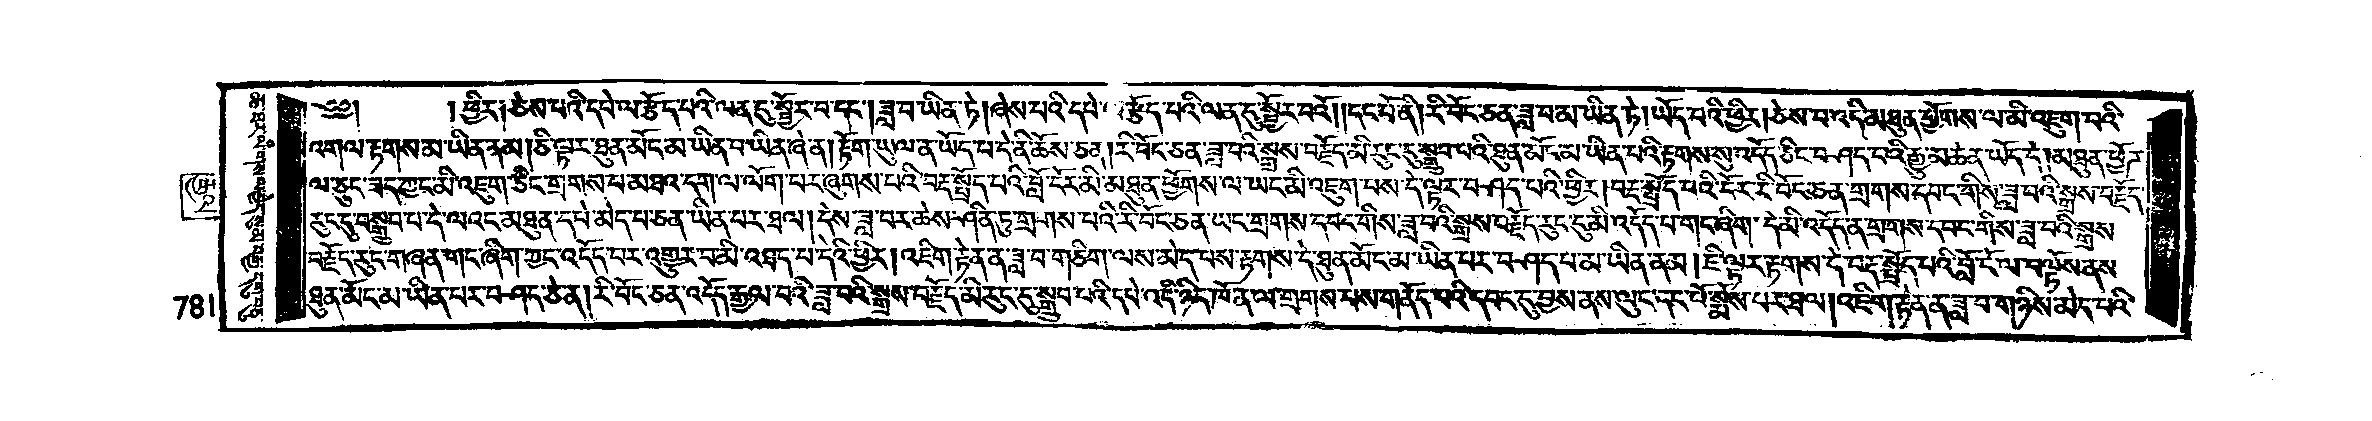༄༅། །ཕྱིར། ཅེས་པའི་དཔེ་ལ་རྩོད་པའི་ལན་དུ་སྦྱོར་བ་དང་། ཟླ་བ་ཡིན་ཏེ། ཞེས་པའི་དཔེ་ལ་རྩོད་པའི་ལན་དུ་སྦྱོར་བའོ། །དང་པོ་ནི། རི་བོང་ཅན་ཟླ་བ་མ་ཡིན་ཏེ། ཡོད་པའི་ཕྱིར། ཅེས་པ་འདི་མཐུན་ཕྱོགས་ལ་མི་འཇུག་པའི་
འགལ་རྟགས་མ་ཡིན་ནམ། ཅི་ལྟར་ཐུན་མོང་མ་ཡིན་པ་ཡིན་ཞེ་ན། རྟོག་ཡུལ་ན་ཡོད་པ་དེ་ནི་ཆོས་ཅན། རི་བོང་ཅན་ཟླ་བའི་སྒྲས་བརྗོད་མི་རུང་དུ་སྒྲུབ་པའི་ཐུན་མོང་མ་ཡིན་པའི་རྟགས་སུ་འདོད་ཅིང་བཤད་པའི་རྒྱུ་མཚན་ཡོད་དེ། མཐུན་ཕྱོགས་
ལ་ཅུང་ཟད་ཀྱང་མི་འཇུག་ཅིང་གྲགས་པ་མཐའ་དག་ལ་ལོག་པར་ཞུགས་པའི་བརྡ་སྤྲོད་པའི་བློ་ངོར་མི་མཐུན་ཕྱོགས་ལ་ཡང་མི་འཇུག་པས་དེ་ལྟར་བཤད་པའི་ཕྱིར། བརྡ་སྒྲོད་པའི་ངོར་རི་བོང་ཅན་གྲགས་དབང་གིས་ཟླ་བའི་སྒྲས་བརྗོད་
རུང་དུ་བསྒྲུབ་པ་དེ་ལའང་མཐུན་དཔེ་མེད་པ་ཅན་ཡིན་པར་ཐལ། དེས་ཟླ་བར་ཆེས་ཤིན་ཏུ་གྲགས་པའི་རི་བོང་ཅན་ཡང་གྲགས་དབང་གིས་ཟླ་བའི་སྒྲས་བརྗོད་རུང་དུ་མི་འདོད་པ་གང་ཞིག །དེ་མི་འདོད་ན་གྲགས་དབང་གིས་ཟླ་བའི་སྒྲས་
བརྗོད་རུང་གཞན་གང་ཞིག་ཀྱང་འདོད་པར་འགྱུར་བ་མི་འཐད་པ་དེའི་ཕྱིར། འཇིག་རྟེན་ན་ཟླ་བ་གཅིག་ལས་མེད་པས་རྟགས་དེ་ཐུན་མོང་མ་ཡིན་པར་བཤད་པ་མ་ཡིན་ནམ། ཇི་ལྟར་རྟགས་དེ་བརྡ་སྤྲོད་པའི་བློ་ངོ་ལ་བལྟོས་ནས་
ཐུན་མོང་མ་ཡིན་པར་བཤད་ཅེ་ན། རི་བོང་ཅན་འདོད་རྒྱལ་བའི་ཟླ་བའི་སྒྲས་བརྗོད་མི་རུང་དུ་སྒྲུབ་པའི་དཔེ་འདི་ཉིད་ཁོ་ན་ལ་གྲགས་པས་གནོད་པའི་དབང་དུ་བྱས་ནས་ལུང་དང་པོ་སྨོས་པར་ཐལ། འཇིག་རྟེན་ན་ཟླ་བ་གཉིས་མེད་པའི་